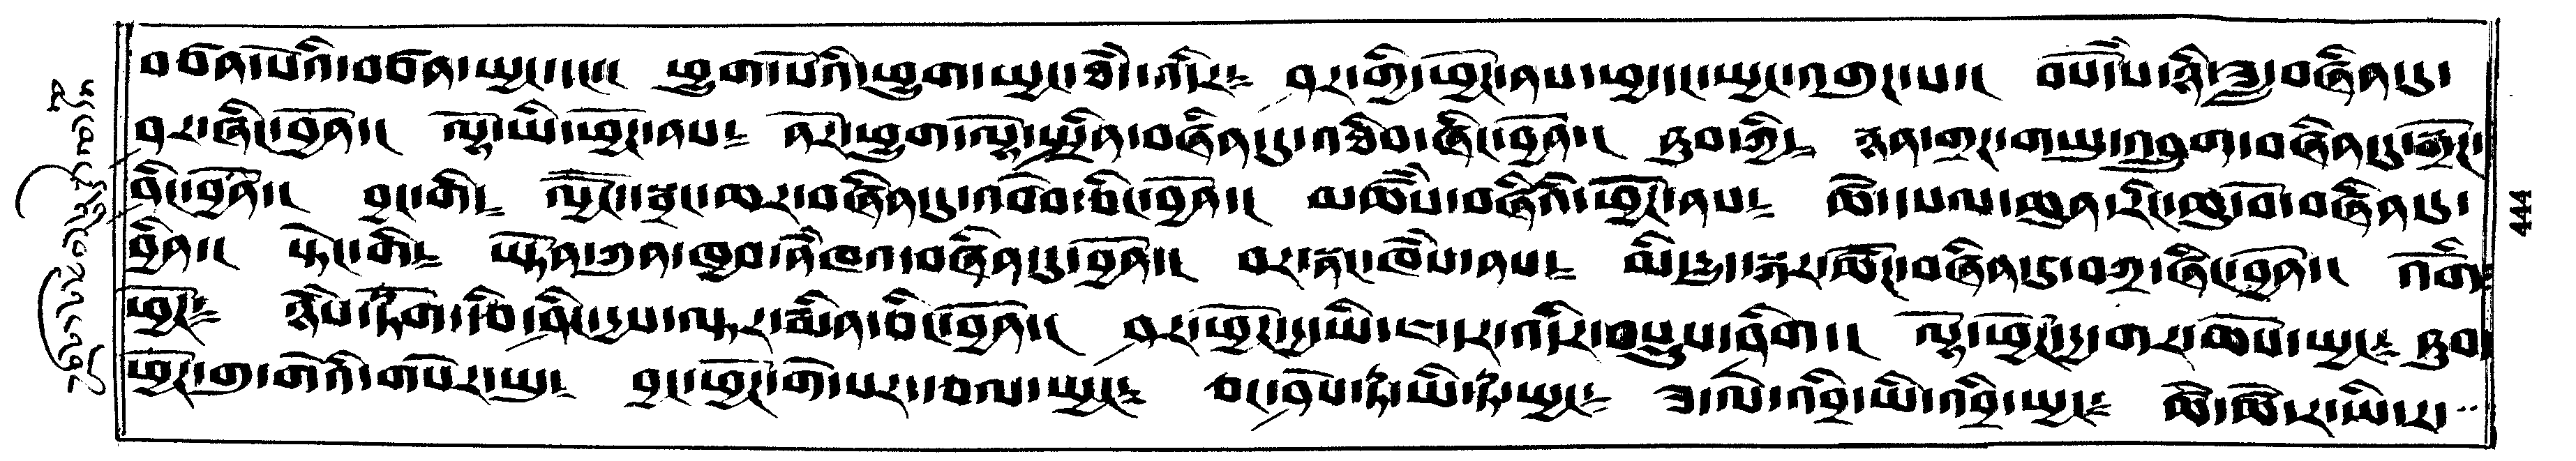བཙན་པོའི་བཙན་གཡང་དང་། །ཕྱུག་པོའི་ཕྱུག་གཡང་ཐམས་ཅད་འདིར༴ ཤར་གྱི་ཕྱོགས་ནས་ཕྱྭ་དང་གཡང་འགུགས་པ། །བསོད་ནམས་ཉི་ཟླ་བཞིན་དུ་
ཤར་ཞིང་བྱོན། །ལྷོ་ཡི་ཕྱོགས་ནས༴ ནོར་ཕྱུགས་ལྷོ་སྤྲིན་བཞིན་དུ་འཐིབ་ཅིང་བྱོན། །ནུབ་ཀྱི༴ སྙན་གྲགས་གཡུ་འབྲུག་བཞིན་དུ་སྒྲོགས་
ཤིང་བྱོན། །བྱང་གི༴ ལོངས་སྤྱོད་སྦྲང་ཆར་བཞིན་དུ་འབེབ་ཅིང་བྱོན། །མཚམས་བཞིའི་ཕྱོགས་ནས༴ ཚེ་དཔལ་ཡུན་རིང་ཆུ་བོ་བཞིན་དུ་
བྱིན། །སྟེང་གི༴ ཡོན་ཏན་ཀུན་ཁྱབ་ནམ་མཁའ་བཞིན་དུ་བྱོན། བར་སྣང་ཁམས་ནས༴ མི་རྒྱུད་སྐར་ཚོགས་བཞིན་དུ་བཀྲ་ཞིང་བྱོན། །འོག་གི་
ཕྱོགས༴ ཉམས་རྟོགས་རྩི་ཤིང་རྒྱས་ལྟར་སྨིན་ཅིང་བྱོན། །ཤར་ཕྱོགས་རྒྱ་ཡི་ཇ་དར་འདིར་བསྡུས་ཤིག།ལྷོ་ཕྱོགས་རྒྱ་གར་ཆོས་གཡང༴ ནུབ་
ཕྱོགས་གུ་གེའི་གསེར་གཡུ༴ བྱང་ཕྱོགས་ག་སེར་རྩལ་གཡང༴ ཅང་ཤེས་རྟ་ཡི་རྟ་གཡང༴ ཟ་ལེ་འབྲི་ཡི་འབྲི་གཡང༴ ཚེ་ཚེ་ར་ཡི་ར་